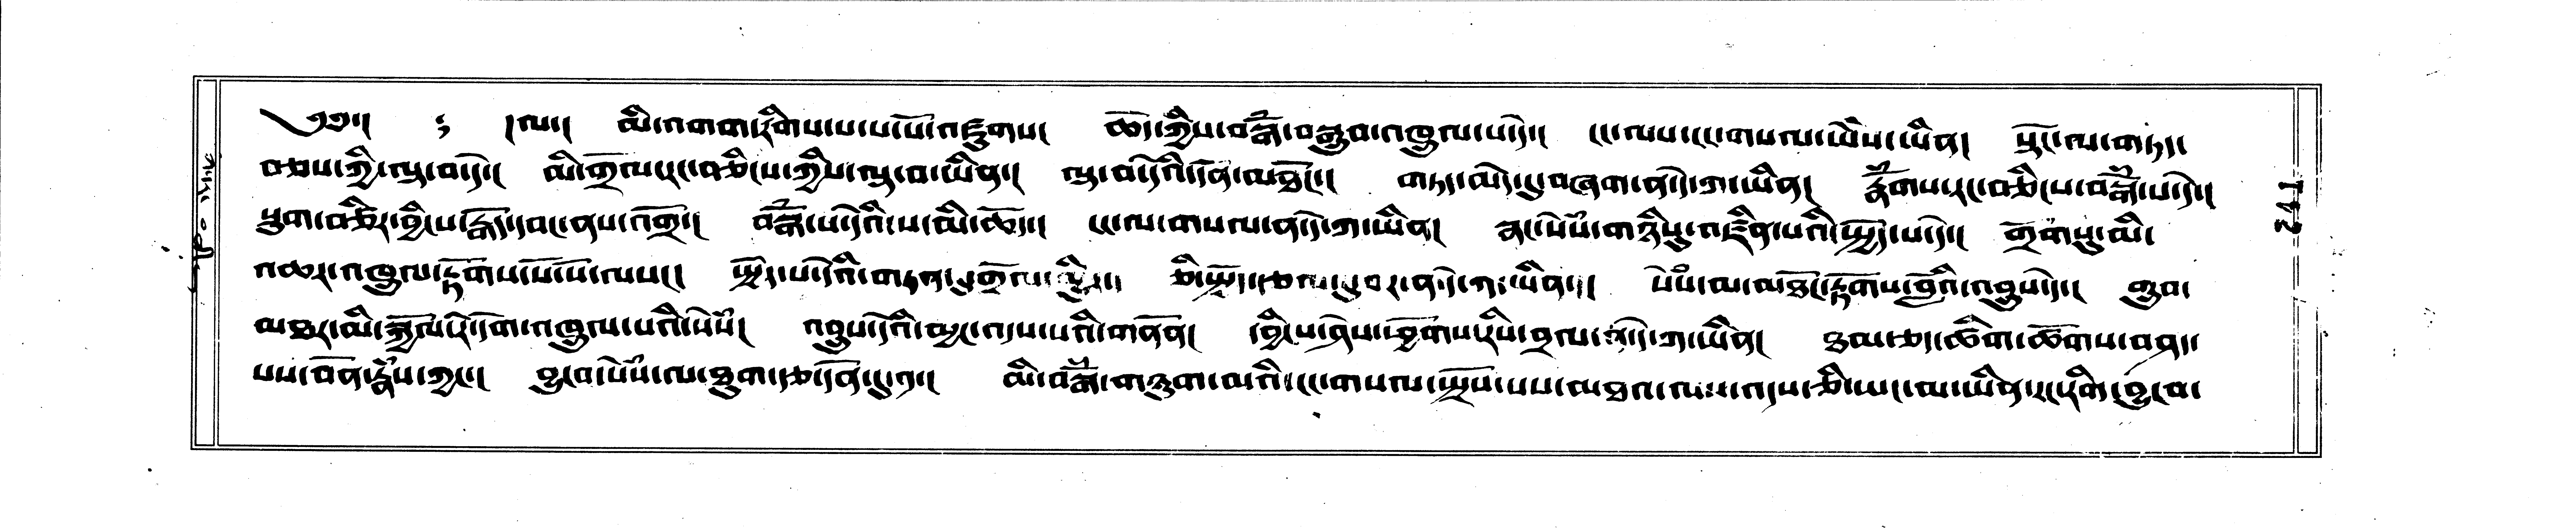པ་ལ། མི་འགགས་རིག་པའི་སོ་པ་འཛུག ཆད་ཀྱིས་སྒོམ་བསྒྲུབ་འཁྲུལ་པ་ཏེ། ངང་ལ་རང་གསལ་ཡེ་ཤེས་ཡིན། སྟོང་ལ་གཏད་
བཅད་ཀྱིས་ལྟ་བ་དེ། མི་བཀྲོལ་རང་བཅིང་གིས་ལྟ་བ་ཡིན། ལྟ་བ་དེའི་དོན་མི་མཐོང་། གཏད་མེད་དུ་བཞགས་ན་དེ་ཀ་ཡིན། རྣམ་རྟོག་རང་བཅིངས་ཀྱི་སྒོམ་པ་དེ། 
སྡུག་བཙིར་བྱིང་རྒོད་ཀྱིས་དབང་དུ་འགྲོ། སྒོམ་པ་དེའི་ས་མི་ཆོད། ངང་ལ་གསལ་ན་དེ་ཀ་ཡིན། སྣང་སེམས་གཉིས་སུ་འཛིན་པའི་སྤྱོད་པ་དེ། གྲོགས་སུ་མི་
འཆར་འཁྲུལ་རྟོག་སོ་སོའི་ལས། སྤྱོད་པ་དེའི་གཏན་དུ་གྲོལ་མི་འགྱུར། ཅི་སྤྱོད་རྩལ་དུ་ཤར་ན་དེ་ཀ་ཡིན། སེམས་ཉིད་མ་མཐོང་རྟོག་བློའི་འབྲས་བུ་དེ། གྲུབ་
མཐར་མི་སྐྱོལ་རེ་དོག་འཁྲུལ་པའི་སེམས། འབྲས་བུ་དེའི་མྱང་འདས་ས་མི་ནོན། དབྱིངས་ཤེས་ཕྱོགས་རིས་བྲལ་ན་དེ་ཀ་ཡིན། ཐམས་ཅད་ཚིག་གིས་བཤད་
པའི་བོན་རྣམས་ཀྱང་། བྱང་ཆུབ་སེམས་ལ་ཐུགས་ཙ་དོན་དུ་གཅིག མི་སྒོམ་གཉུང་མ་ངང་གསལ་སྤྲོས་པའི་མཐའ་ལས་འདས། ཅི་ཡང་མ་ཡིན་རང་རིག་བྱང་ཆུབ་